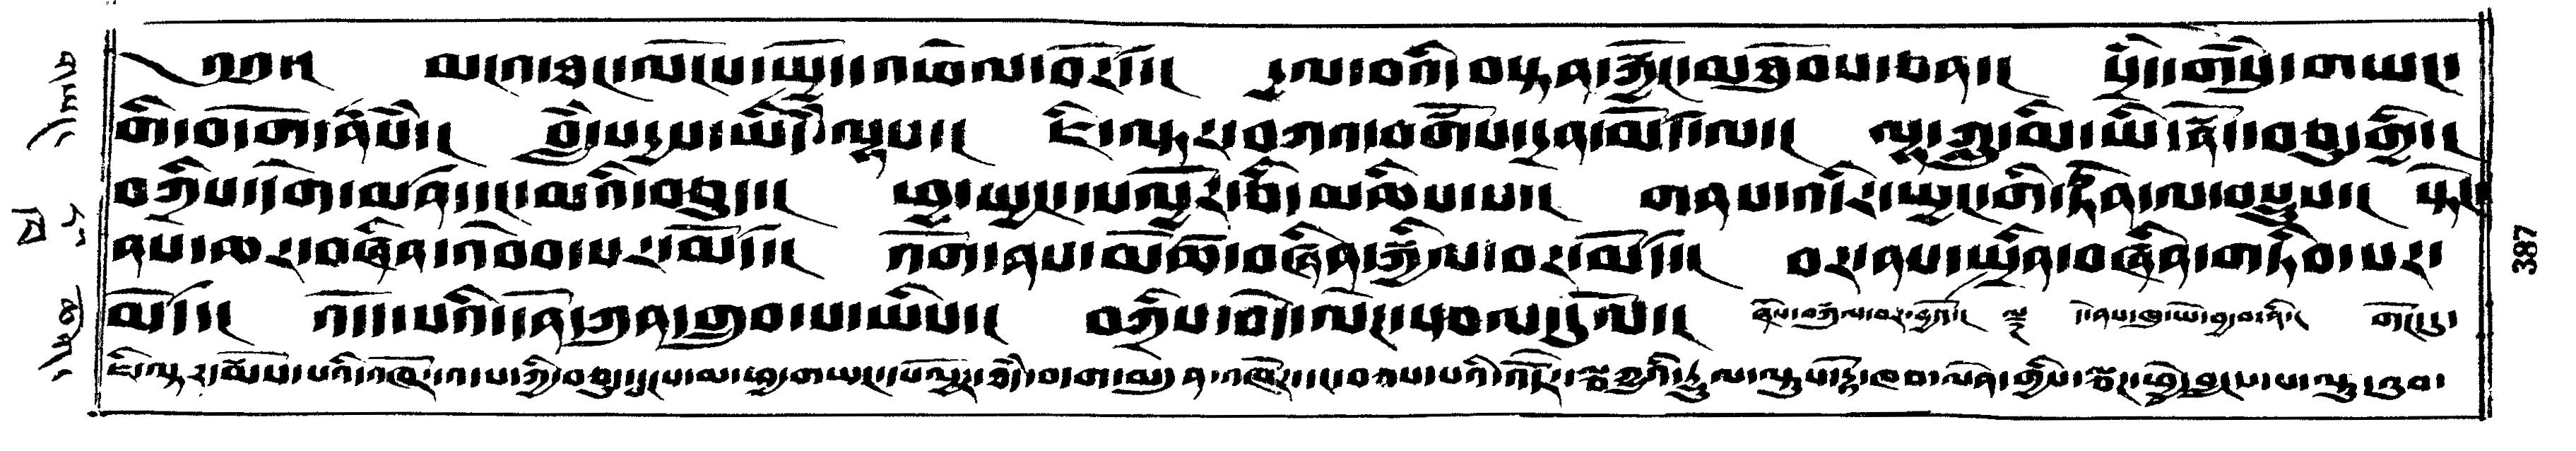མངའ་ཐང་ལོངས་སྤྱོད་འཔེལ་བར་མཛོད། །རྒྱལ་བའི་བསྟན་སྐྱོང་མཐུ་སྟོབས་ཅན། །སྲིད་གསུམ་གཡང་
གི་བདག་པོ་རྣམས། །བླ་མ་སངས་རྒྱས་ཡི་དམ་ལྷས། །ཇི་ལྟར་བཀའ་བསྒོས་དྲན་མཛོད་ལ། །ལྷ་ཀླུ་མི་ཡི་སྣོད་བཅུད་ཀྱི། །
བཀྲ་ཤིས་དགེ་མཚན་དྭངས་མའི་བཅུད། །ཕྱྭ་གཡང་དཔལ་འབྱོར་ཅི་མཆིས་པ། །གནས་འདིར་གཡང་གི་རྟེན་ལ་བསྡུས། །སྟེང་
ནས་ཆར་བཞིན་འབེབས་པར་མཛོད། །འོག་ནས་མཚོ་བཞིན་སྐྱིལ་བར་མཛོད། །བར་ནས་སྤྲིན་བཞིན་གཏིབ་པར་
མཛོད། །འདོད་པའི་དོན་ཀུན་གྲུབ་པ་ཡིས། །བཀྲ་ཤིས་བདེ་ལེགས་བསྩལ་དུ་གསོལ། ། ཞེས་བསྐུལ་བར་བྱའོ།། ༈ དེ་ནས་ཁུ་ཡེ་བྱ་བ་ནི། །གོང་དུ་
ཇི་ལྟར་སྨོས་པའི་འཁོར་འདས་ཀྱི་བཅུད་དྭངས་མ་ཕྱག་གཡང་དཔལ་འབྱོར་ཐམས་ཅད་བདག་མདུན་འཁོར་དང་བཅས་པའི་འོད་ཟེར་ལྕགས་ཀྱུའི་རྡུལ་ལྟ་བུས་རྡོ་ཁབ་ལེན་གྱིས་ལྕགས་ཕྱེ་བླངས་པ་ལྟ་བུ་༼འུབ་